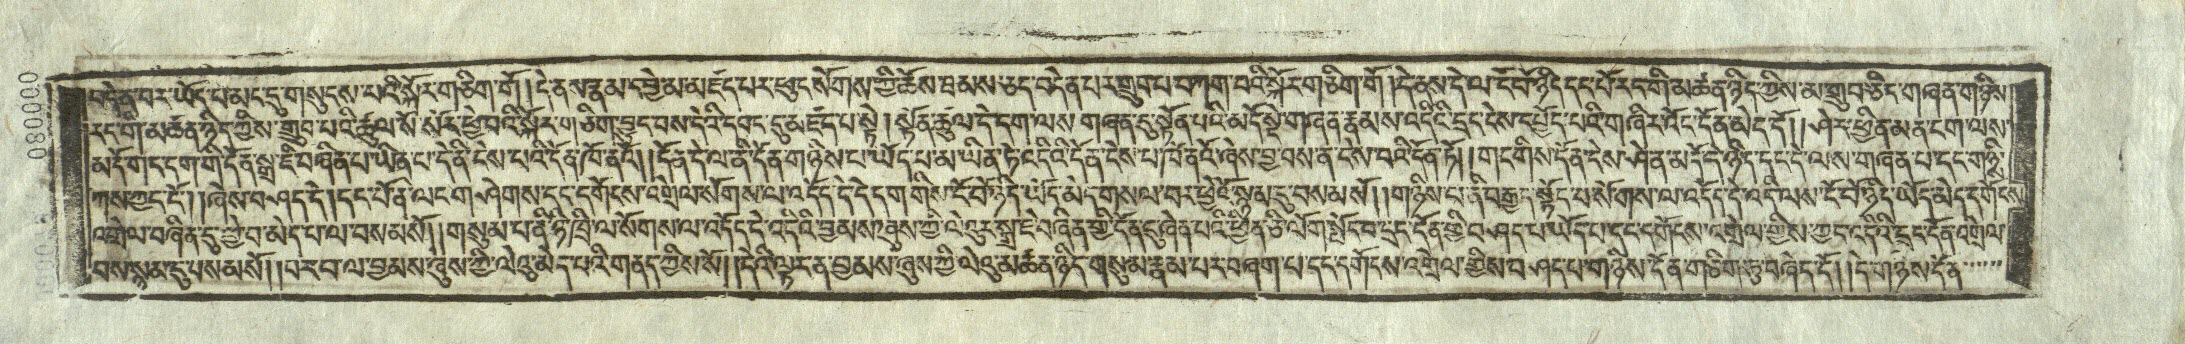བདེན་པར་ཡོད་པ་མང་དུ་གསུངས་པའི་སྐོར་གཅིག་གོ ། དེ་ནས་རྣམ་དབྱེ་མ་མཛད་པར་ཕུང་སོགས་ཀྱི་ཆོས་ཐམས་ཅད་བདེན་པར་གྲུབ་པ་བཀག་པའི་སྐོར་གཅིག་གོ ། དེ་ནས་དེ་ལ་ངོ་བོ་ཉིད་དང་པོ་རང་གི་མཚན་ཉིད་ཀྱིས་མ་གྲུབ་ཅིང་གཞན་གཉིས་
རང་གི་མཚན་ཉིད་ཀྱིས་གྲུབ་པའི་ཚུལ་སོ་སོར་ཕྱེ་བའི་སྐོར་གཅིག་བྱུང་བས་དེའི་དབང་དུ་མཛད་པ་སྟེ། སྟོན་ཚུལ་དེ་དག་ལས་གཞན་དུ་སྟོན་པའི་མདོ་སྡེ་གཞན་རྣམས་འདིའི་དྲང་ངེས་དཔྱོད་པའི་གཞིར་འོད་དོན་མེད་དོ། །ཤེར་ཕྱིན་མན་ངག་ལས་
མདོ་གང་དག་གི་དོན་སྒྲ་ཇི་བཞིན་པ་ཡིན་པ་དེ་ནི་ངེས་པའི་དོན་ཁོ་ནའོ། །དོན་དེ་ལ་ནི་དོན་གཉིས་པ་ཡོད་བ་མ་ཡིན་ཏེ་འདིའི་དོན་ངེས་པ་ཁོ་ནའོ་ཞེས་བྱ་བས་ན་ངེས་པའི་དོན་ཏོ། །གང་གིས་དོན་ངེས་ཤེ་ན་མདོ་དེ་ཉིད་དང་དེ་ལས་གཞན་པ་དང་གཉིས་
ཀས་ཀྱང་ངོ། །ཞེས་བཤད་དེ། དང་པོ་ནི་ལང་གཤེགས་དང་དགོངས་འགྲེལ་སོགས་ལ་འདོད་དེ་དེ་དག་གིས་ངོ་བོ་ཉིད་ཡོད་མེད་གསལ་བར་ཕྱེའོ་སྙམ་དུ་བསམ་སོ། །གཉིས་པ་ནི་བརྒྱད་སྟོང་པ་སོགས་ལ་འདོད་དེ་འདི་ལས་ངོ་བོ་ཉིད་ཡོད་མེད་དགོངས་
འགྲེལ་བཞིན་དུ་ཕྱེ་བ་མེད་པ་ལ་བསམྶོ། །གསུམ་པ་ནི་ཉི་ཁྲི་ལ་སོགས་ལ་འདོད་དེ་འདིའི་བྱམས་ཞུས་ཀྱི་ལེའུར་སྒྲ་ཇི་བཞིན་གྱི་དོན་དུ་ཞེན་པའི་ཕྱིན་ཅི་ལོག་སྤོང་བ་དྲང་དོན་གྱི་བཤད་པ་ཡོད་པ་དང་དགོངས་འགྲེལ་གྱིས་ཀྱང་འདིའི་དྲང་དོན་འགྲེལ་
བས་སྙམ་དུ་བསམས་སོ། །བར་པ་ལ་བྱམས་ཞས་ཀྱི་ལེའུ་མེ་དཔའི་གནད་ཀྱིས་སོ། །དེའི་ལྟར་ན་བྱམས་ཞུས་ཀྱི་ལེའུ་མཚན་ཉིད་གསུམ་རྣམ་པར་བཞག་པ་དང་དགོངས་འགྲེལ་གྱིས་བཤད་པ་གཉིས་དོན་གཅིག་ཏུ་བཞེད་དོ། །དེ་གཉིས་དོན་